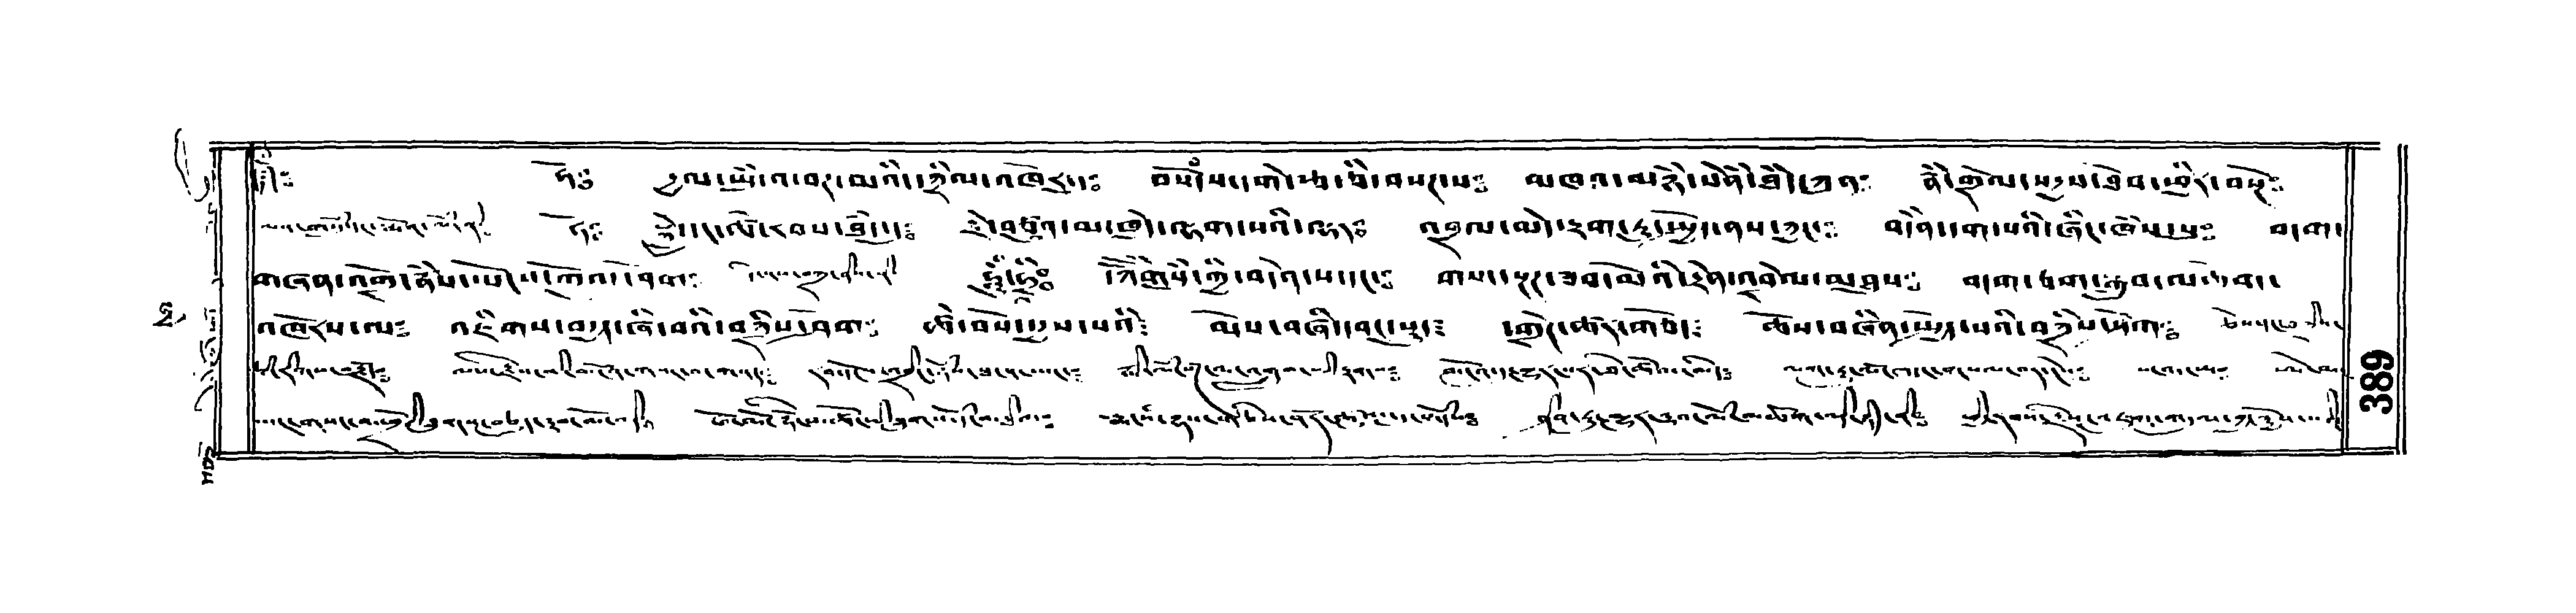ཧོཿ རྒྱལ་ཡུམ་འཕགས་མའི་དཀྱིལ་འཁོར་དུ༔ བསོད་ནམས་དགེ་རྩ་ཅི་བསགས་པ༔ མཁའ་མཉམ་སེམས་ཅན་ཐམས་ཅད་ཀུན༔ རྣམ་གྲོལ་སངས་རྒྱས་འཐོབ་ཕྱིར་བསྔོ༔ 
ལན་གསུམ་དང་སྨོན་ལམ་ནི༔ ཧོཿ སྐྱེ་དང་ཚེ་རབས་ཐམས་ཅད་དུ༔ རྗེ་བཙུན་མ་ཁྱེད་ལྷག་པའི་ལྷར༔ འབྲལ་མེད་རྟག་ཏུ་སྤྱོད་ནས་ཀྱང༔ བདེ་ཆེན་དག་པའི་ཞིང་ཁམས་སུ༔ བདག་
གཞན་འགྲོ་རྣམས་ཡོངས་གྲོལ་ཤོག༔ དེ་ནས་བཀྲ་ཤིས་ནི༔ ཧཱུྃ་ཧྲཱིཿ དཀོན་མཆོག་གསུམ་གྱི་བདེན་པ་དང༔ གསང་སྔགས་ཟབ་མོའི་རྟེན་འབྲེལ་མཐུས༔ བདག་ཅག་སྒྲུབ་མཆོག་
འཁོར་བཅས་ལ༔ འཇིགས་བརྒྱད་ཞི་བའི་བཀྲ་ཤིས་ཤོག༔ ཚེ་བསོད་རྒྱས་པའི༴ མོས་བཞི་དབང་སྡུད༴ དགྲ་བགེགས་ཚར་གཅོད༴ ཆོས་བཞིན་སྤྱོད་པའི་བཀྲ་ཤིས་ཤོག༔ ཅེས་དང་བཀྲ་ཤིས་
ཅི་རིགས་བརྗོད༔ ལས་རྗེས་མི་མངོན་གསང་བ་གནད༔ རབ་དངོས་འབྲིང་ཉམས་ཐ་ན་ཡང༔ རྨི་ལམ་སོགས་ལ་འགྲུབ་པའི་རྟགས༔ མངོན་དུ་གྱུར་པར་ཐེ་ཚོམ་མེད༔ ལག་ཏུ་ལོངས་དང་གསལ་བར་ངེས༔ ས་མ་ཡ༔ ཨེ་མ༔
ཡང་གསང་མཁའ་འགྲོའི་ཐུགས་བཅུད་ཟབ་མོ་འདི༔ ཁོ་མོ་རྡོ་རྗེ་མཚོ་ཡི་ཐུགས་དམ་མཐིལ༔ པདྨ་སཾ་བྷས་གཅེས་ནོར་ཚུལ་དུ་གདམས༔ ཤིན་ཏུ་མྱུར་ཟབ་ལམ་མཆོག་འདི་ཉིད་ནི༔ ཕྱི་རབས་རྗེས་འཇུག་གདུལ་བྱ་སྐྱོབ་པའི་